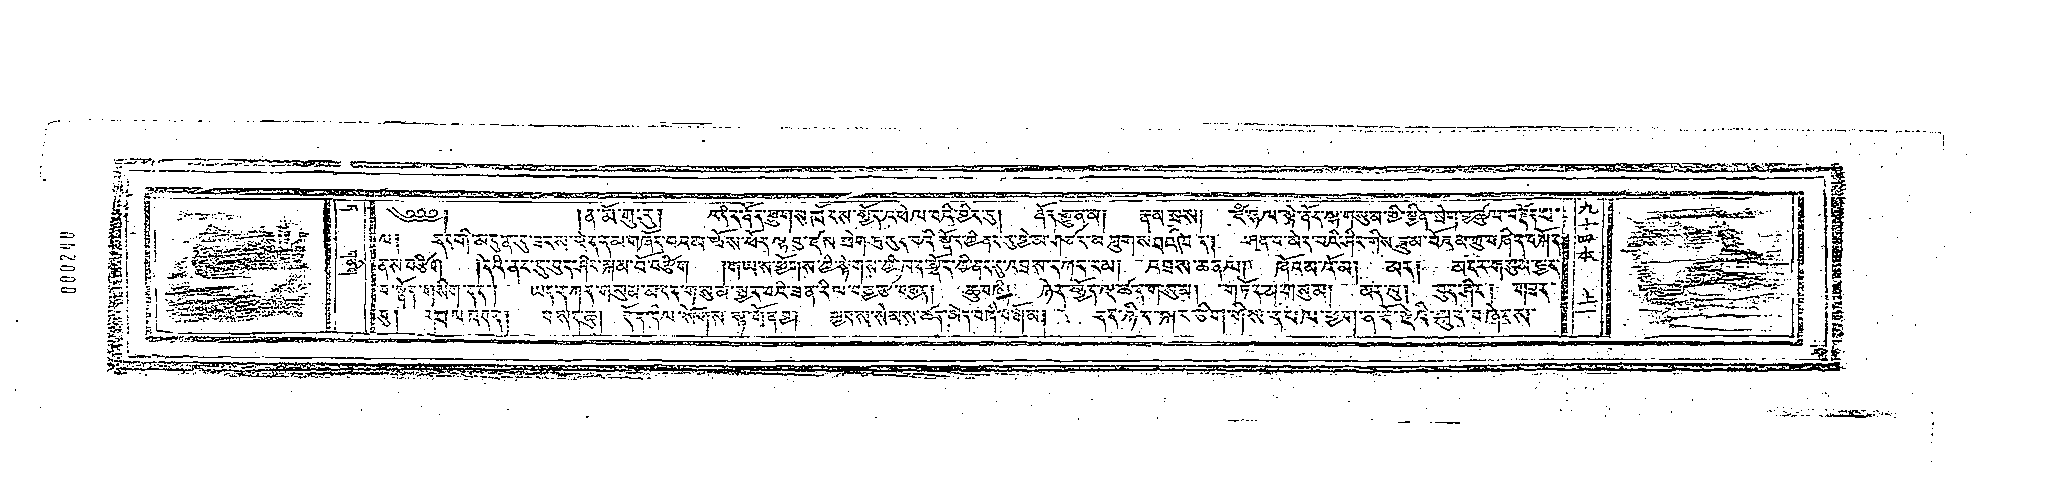༄༅༅། །ན་མོ་གུ་རུ། འདིར་ནོར་ཕྱུགས་ལོངས་སྤྱོད་འཕེལ་བའི་ཕྱིར་དུ། ། ནོར་རྒྱུན་མ། རྣམ་སྲས། ཛཾ་བྷ་ལ་སྟེ་ནོར་ལྷ་གསུམ་གྱི་སྦྱིན་སྲེག་བྱ་ཚུལ་བརྗོད་པ་
ལ། རང་གི་མདུན་དུ་ཟངས་སྡེར་རམ་གཞོང་བའམ་སྤོས་ཕོར་ལྟ་བུ་རྫས་སྲེག་ཏུ་རུང་པའི་སྣོད་ཀྱི་ནང་དུ་བྱེ་མ་གཙང་མ་བླུགས་པའི་ཁར། ཤུན་པ་མེད་པའི་ཤིང་གིས་ཟླུམ་པོའམ་གྲུ་བཞིར་བསྐོར་
ནས་བརྩིག །དེའི་ནང་དུ་བུད་ཤིང་སྐམ་པོ་བརྩིག་གཡས་ཕྱོགས་ཀྱི་སྟེགས་ཀྱི་ཁར་སྣོད་ཀྱི་ནང་དུ་འབྲས་དཀར་རམ། འབྲས་ཆན་ལ། ཞོའམ་འོ་མ། མར། མདར་གསུམ་སྦྱར་
བ་སྣོད་གཅིག་དང་། ཡང་དཀར་གསུམ་མངར་གསུམ་སྦྱར་བའི་ཟན་རིལ་བརྒྱ་རྩ་བརྒྱད། ཆུ་བཞི། ཉེར་སྤྱོད་ལྔ་ཚན་གསུམ། གཏོར་མ་གསུམ། མར་ཁུ། བུད་ཤིང་། གཟར་
བུ༑ །དཔལ་འབར། བསང་ཆུ། རྡོར་དྲིལ་སོགས་སྟ་གོན་བྱ། སྐྱབས་སེམས་ཚད་མེད་བཞི་བསྒོམ། རང་ཉིད་སྐད་ཅིག་གིས་དཔལ་ཕྱག་ན་རྡོ་རྗེའི་སྐུར་བཞེངས་